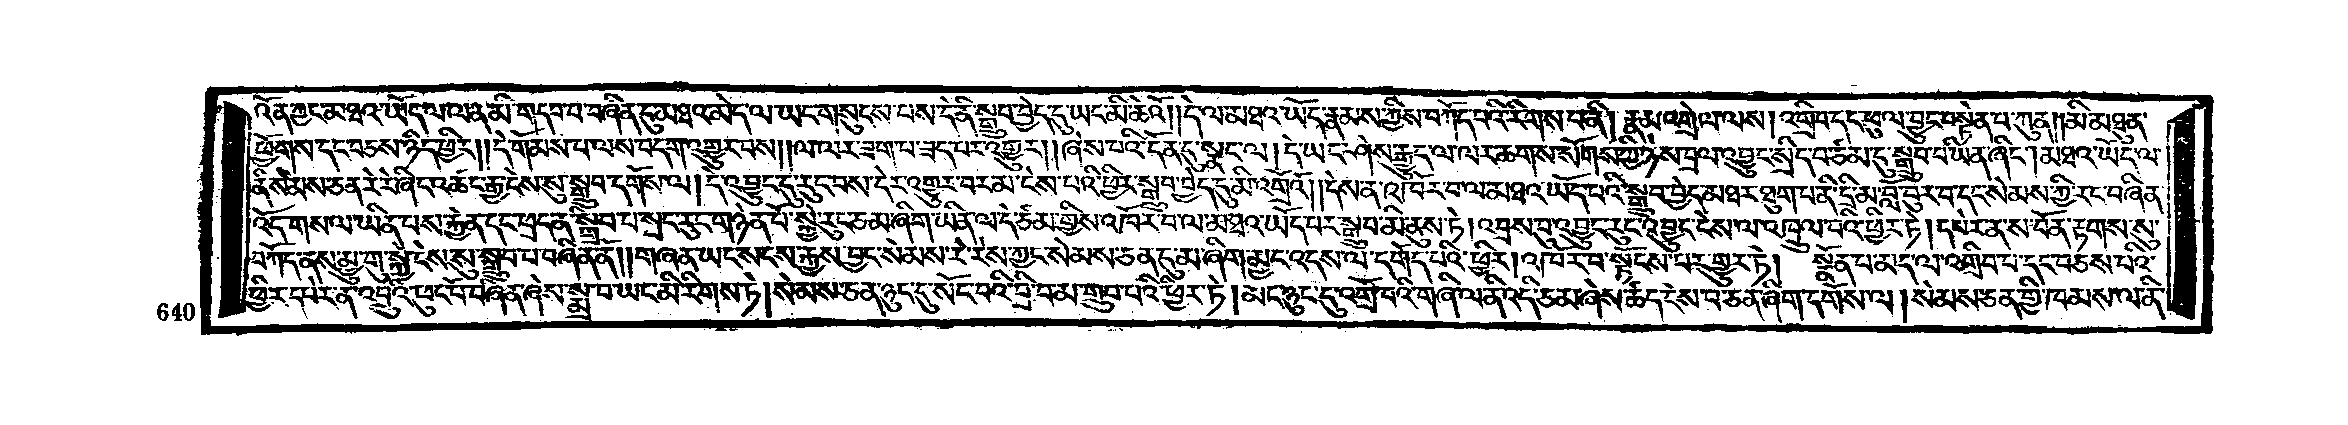འོན་ཀྱང་མཐའ་ཡོད་ལ་ལན་མི་གདབ་པ་བཞིན་དུ་མཐའ་མེད་ལ་ཡང་གསུངས་པས་དེ་ནི་སྒྲུབ་བྱེད་དུ་ཡང་མི་ཆེའོ། །དེ་ལ་མཐའ་ཡོད་རྣམས་ཀྱིས་བཀོད་པའི་རིགས་པ་ནི། རྣམ་འགྲེལ་ལས། འགྲིབ་དང་ཕུལ་བྱུང་བསྟེན་པ་ཀུན། །མི་མཐུན་
ཕྱོགས་དང་བཅས་ཉིད་ཕྱིར། །དེ་གོམས་པ་ལས་བདག་འགྱུར་བས། །ལ་ལར་ཟག་པ་ཟད་པར་འགྱུར། །ཞེས་པའི་དོན་དུ་སྣང་ལ། དེ་ཡང་ཤེས་རྒྱུད་ལ་ལར་ཆགས་སོགས་ཀྱི་ཉེས་བྲལ་འབྱུང་སྲིད་པ་ཙམ་དུ་སྒྲུབ་པ་ཡིན་ཞིང་། མཐའ་ཡོད་ལ་
ནི་སེམས་ཅན་རེ་རེ་ཞིང་འཚང་རྒྱ་ངེས་སུ་སྒྲུབ་དགོས་ལ། དེ་འབྱུང་དུ་རུང་བས་དེར་འགྱུར་བར་མ་ངེས་པའི་ཕྱིར་སྒྲུབ་བྱེད་དུ་མི་འགྲོའོ། །དེས་ན་འཁོར་བ་ལ་མཐའ་ཡོད་པའི་སྒྲུབ་བྱེད་མཐར་ཐུག་པ་ནི་དྲི་མ་བློ་བུར་བ་དང་སེམས་ཀྱི་རང་བཞིན་
འོད་གསལ་ཡིན་པས་རྐྱེན་དང་ཕྲད་ན་སྒྲིབ་པ་སྤང་རུང་གཉེན་པོ་སྐྱེ་རུང་ཙམ་ཞིག་ཡིན་ལ་དེ་ཙམ་གྱིས་འཁོར་བ་ལ་མཐའ་ཡོད་པར་སྒྲུབ་མི་ནུས་ཏེ། འབྲས་བུ་འབྱུང་རུང་འབྱུང་ངེས་ལ་འཁྲུལ་བའི་ཕྱིར་ཏེ། དཔེར་ན་ས་བོན་རྟགས་སུ་
བཀོད་ནས་མྱུ་གུ་སྐྱེ་ངེས་སུ་སྒྲུབ་པ་བཞིན་ནོ། །གཞན་ཡང་སངས་རྒྱས་བྱང་སེམས་རེ་རེས་ཀྱང་སེམས་ཅན་དུ་མ་ཞིག་མྱང་འདས་ལ་དགོད་པའི་ཕྱིར། འཁོར་བ་སྟོངས་པར་གྱུར་ཏེ། སྣོན་པ་མེད་ལ་འགྲིབ་པ་དང་བཅས་པའི་
ཕྱིར་དཔེར་ན་འབྲུའི་ཕུང་པོ་བཞིན་ཞེས་སྨྲ་བ་ཡང་མི་རིགས་ཏེ། སེམས་ཅན་ཉུང་དུ་སོང་བའི་བྲི་བ་མ་གྲུབ་པའི་ཕྱིར་ཏེ། མང་ཉུང་དུ་འགྲོ་བའི་གཞི་ལ་ནི་འདི་ཙམ་ཞེས་ཚད་ངེས་པ་ཅན་ཞིག་དགོས་ལ། སེམས་ཅན་གྱི་ཁམས་ལ་ནི་